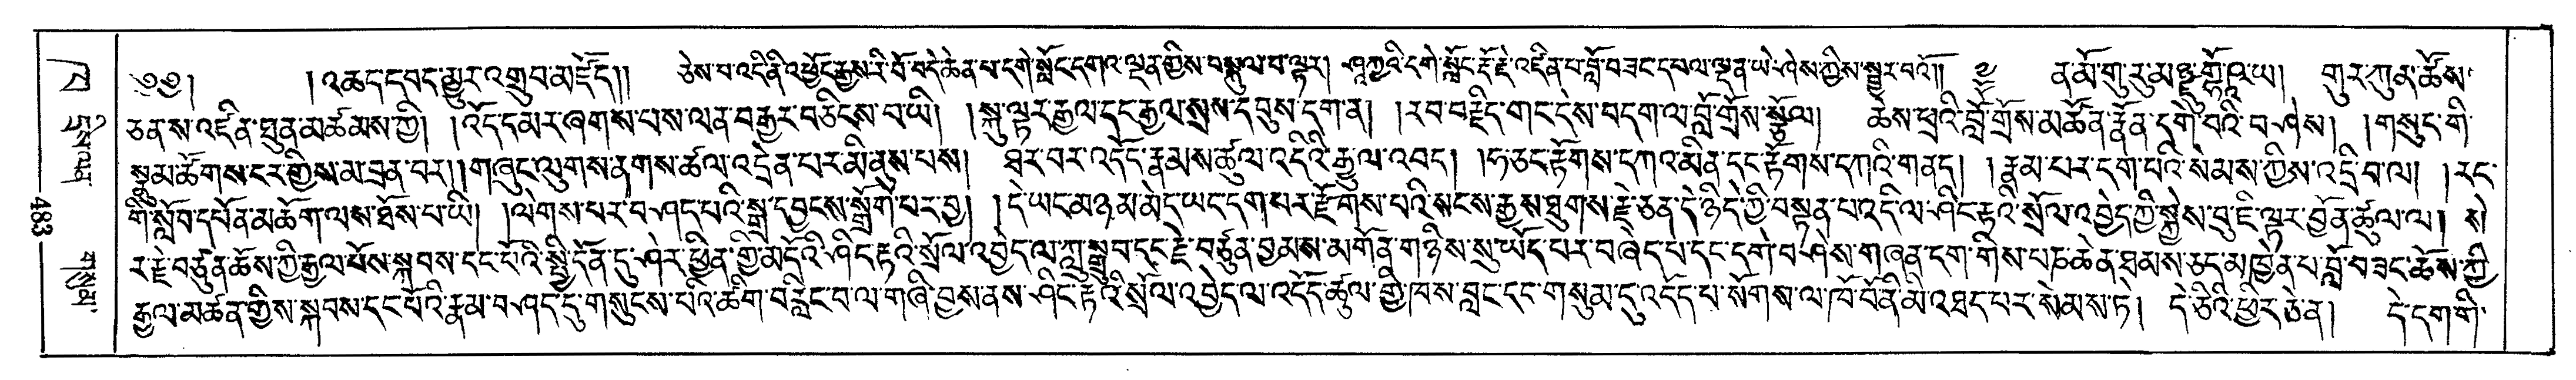༄༅། །འཆང་དབང་མྱུར་འགྲུབ་མཛོད།། ཅེས་པ་འདི་ནི་འཕྱོང་རྒྱས་རི་བོ་བདེ་ཆེན་པ་དགེ་སློང་དགའ་ལྡན་གྱིས་བསྐུལ་བ་ལྟར་༧་ཤཱཀྱའི་དགེ་སློང་རྡོ་རྗེ་འཛིན་པ་བློ་བཟང་དཔལ་ལྡན་ཡེ་ཤེས་ཀྱིས་སྦྱར་བའོ།། ༈ ན་མོ་གུ་རུ་མཉྫུ་གྷོཥཱ་ཡ། གུར་ཀུམ་ཚོས་
ཅན་ས་འཛིན་ཐུན་མཚམས་ཀྱི། །འོད་དམར་ཞགས་པས་ལན་བརྒྱར་བཅིངས་པ་ཡི། །སྐུ་ལྟར་རྒྱལ་དང་རྒྱལ་སྲས་དབུས་དག་ན། །རབ་བརྗིད་གང་དེས་བདག་ལ་བློ་གྲོས་སྩོལ། །ཆེས་ཕྲའི་བློ་གྲོས་མཚོན་རྣོན་དགེ་བའི་བཤེས། །གསུང་གི་
སྣམ་ཚོགས་ངར་གྱིས་མ་བྲན་པར། །གཞུང་ལུགས་ནགས་ཚལ་འདྲེན་པར་མི་ནུས་པས། །ཐར་པར་འདོད་རྣམས་ཚུལ་འདིའི་རྒྱུ་ལ་འབད། །ཧ་ཅང་རྟོགས་དཀའ་མིན་དང་རྟོགས་དཀའི་གནད། །རྣམ་པར་དག་པའི་སེམས་ཀྱིས་འདྲི་བ་ལ། །རང་
གི་སྲོབ་དཔོན་མཆོག་ལས་ཐོས་པ་ཡི། །ལེགས་པར་བཤད་པའི་སྒྲ་དབྱངས་སྒྲོག་པར་བྱ། །དེ་ཡང་མཉམ་མེད་ཡང་དག་པར་རྫོགས་པའི་སངས་རྒྱས་ཐུགས་རྗེ་ཅན་དེ་ཉིད་ཀྱི་བསྟན་པ་འདི་ལ་ཤིང་རྟའི་སྲོལ་འབྱེད་ཀྱི་སྐྱེས་བུ་ཇི་ལྟར་བྱོན་ཚུལ་ལ། སེ་
ར་རྗེ་བཙུན་ཆོས་ཀྱི་རྒྱལ་པོས་སྐབས་དང་པོའི་སྤྱི་དོན་དུ་ཤེར་ཕྱིན་གྱི་མདོའི་ཤིང་རྟའི་སྲོལ་འབྱེད་ལ་ཀླུ་སྒྲུབ་དང་རྗེ་བཙུན་བྱམས་མགོན་གཉིས་སུ་ཡོད་པར་བཞེད་པ་དང་དགེ་བཤེས་གཞན་དག་གིས་པཎ་ཆེན་ཐམས་ཅད་མཁྱེན་པ་བློ་བཟང་ཆོས་ཀྱི་
རྒྱལ་མཚན་གྱིས་སྐབས་དང་པོའི་རྣམ་བཤད་དུ་གསུངས་པའི་ཚིག་བརླིང་བ་ལ་གཞི་བྱས་ནས་ཤིང་རྟའི་སྲོལ་འབྱེད་ལ་འདོད་ཚུལ་གྱི་ཁས་བླང་དང་གསུམ་དུ་འདོད་པ་སོགས་ལ་ཁོ་བོ་ནི་མི་འཐད་པར་སེམས་ཏེ། དེ་ཅིའི་ཕྱིར་ཅེ་ན། དེ་དག་གི་